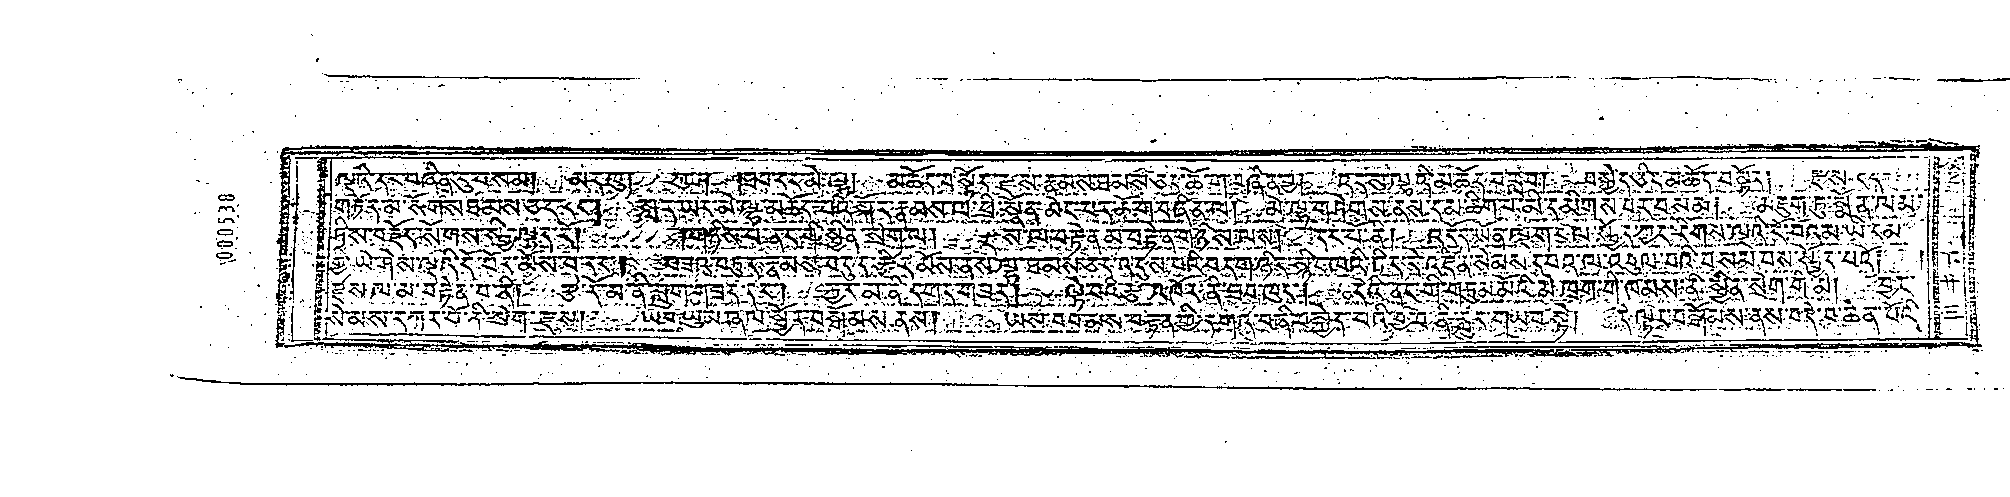ལྔའི་རང་བཞིན་དུ་བསམ། མར་ཁུ། ཀུ་ཤ་།ཐབ་རང་མེ་ལྷ། མཆོད་བསྟོད་རྫས་རྣམས་ཐམས་ཅད་ཆོ་ག་བཞིན་བྱ། འངས་ལྷའི་མཆོད་བརླབ། བསྐྱེད་ཅིང་མཆོད་བསྟོད། རྫས་དང་
གཏོད་མ་སོགས་ཐམས་ཅད་དང་། སླར་ཡང་མེ་ལྷ་མཆོད་པའི་སྐོར་རྣམས་ལ་ཕྲི་སྣོན་མེད་པར་ཆོ་ག་བཞིན་ལ། མེ་ལྷ་གཤེགས་ནས་དམ་ཚིག་པ་མི་དམིགས་པར་བསམ། མཇུག་ཏུ་སྨོན་ལམ་
ཤིས་བརྗོད་སོགས་སྤྱི་ལྟར་རོ། །གཉིས་པ་ནང་གི་སྦྱིན་སྲེག་ལ། རྫས་ལ་བརྟེན་མ་བརྟེན་གཉིས་ལས། དང་པོ་ནི། འདོད་ཡོན་ལྔ་གང་ལ་སྤྱོད་ཀྱང་རིགས་ལྔའི་ངོ་བོའམ་ཡི་དམ་
གྱི་ཡེ་ཤེས་ལྔའི་ངོ་བོར་མོས་པ་དང་། བཟའ་བཏུང་རྣམས་བདུད་རྩིར་མོས་ནས་ལྷ་ཐམས་ཅད་འདུས་པའི་བདག་ཉིད་སྙིང་ཁའི་ཏིང་ངེ་འཛིན་སེམས་དཔའ་ལ་འབུལ་བའི་བསམ་པས་སྤྱོད་པའོ། །
རྫས་ལ་མ་བརྟེན་པ་ནི། རྩ་རོ་མ་ནི་བླུག་གཅར་དང་། རྐྱང་མ་ནི་དགད་གཟར། ལྟེ་བའི་རྩ་འཁོར་ནི་ཐབ་ཁུང་། དེའི་ནང་གི་གཏུམ་མོའི་མི་ཁྲག་གི་ཁམས་ནི་སྦྱིན་སྲེག་གི་མེ། བྱང་
སེམས་དཀར་བོ་ནི་སྲེག་རྫས། ཡབ་ཡུམ་ཞལ་སྦྱོར་བསྒོམས་ནས། ཡས་བབ་མས་བརྟན་གྱི་དགའ་བཞི་བསྐྱེད་བའི་བྱ་བ་ནི་རླུང་གཡབ་སྟེ། དེ་ལྟར་བསྒོམས་ནས་བདེ་བ་ཆེན་པོའི་